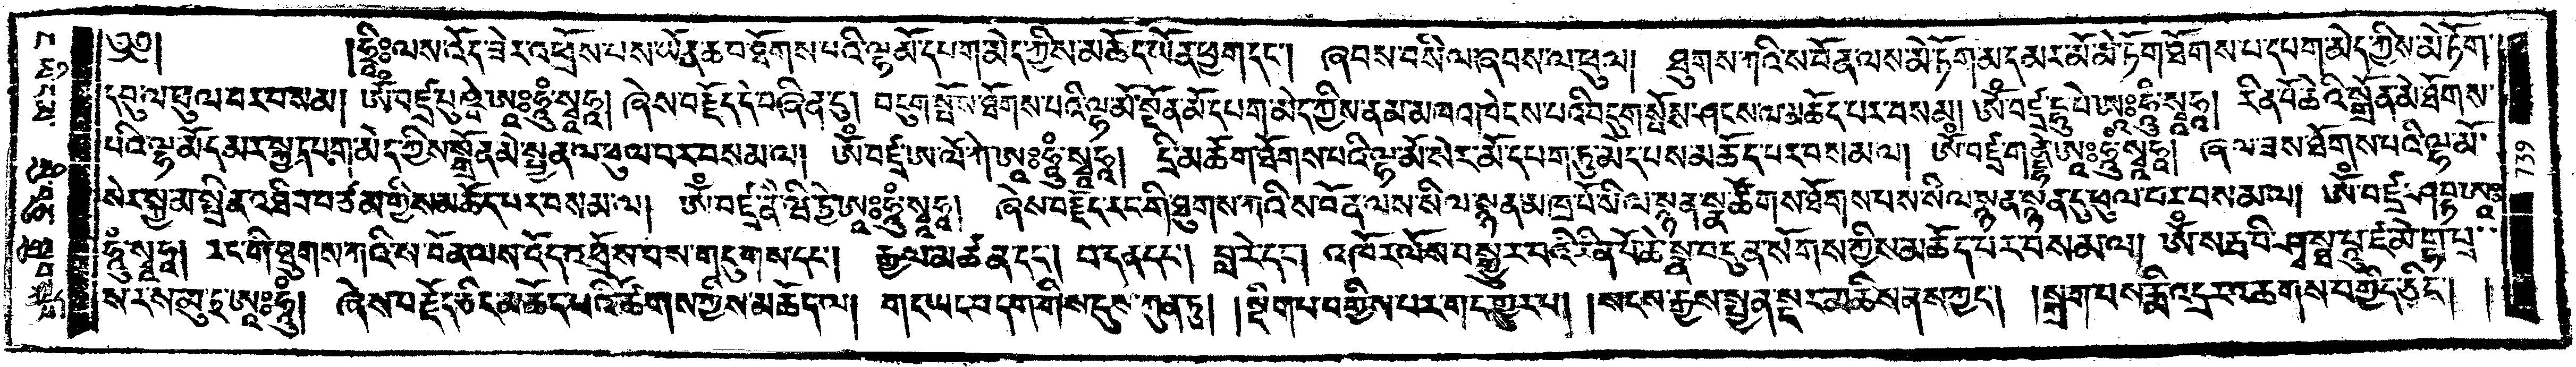༄༅། །ཧྲཱིཿ ལས་འོད་ཟེར་འཕྲོས་པས་ཡོན་ཆབ་ཐོགས་པའི་ལྷ་མོ་དཔག་མེད་ཀྱིས་མཆོད་ཡོན་ཕྱག་དང་། ཞབས་བསིལ་ཞབས་ལ་ཕུལ། ཐུགས་ཀའི་ས་བོན་ལས་མེ་ཏོག་མ་དམར་མོ་མེ་ཏོག་ཐོགས་པ་དཔག་མེད་ཀྱིས་མེ་ཏོག་
དབུ་ལ་ཕུལ་བར་བསམ། ཨོཾ་བཛྲ་པུཥྭེ་ཨཱཿ ཧཱུཾ་སྭཱ་ཧཱ། ཞེས་བརྗོད་དེ་བཞིན་དུ། བདུག་སྤོས་ཐོགས་པའི་ལྷ་མོ་སྔོན་མོ་དཔག་མེད་ཀྱིས་ནམ་མཁའ་ཁེངས་པའི་བདུག་སྤོས་ཤངས་ལ་མཆོད་པར་བསམ། ཨོཾ་བཛྲ་དྷཱུ་པེ་ཨཱཿ ཧཱུཾ་སྭཱ་ཧཱ། རིན་པོ་ཆེའི་སྒྲོན་མེ་ཐོགས་
པའི་ལྷ་མོ་དམར་སྐྱ་དཔག་མེད་ཀྱིས་སྒྲོན་མེ་སྦྱན་ལ་ཕུལ་བར་བསམ་ལ། ཨོཾ་བཛྲ་ཨ་ལོ་ཀེ་ཨཱཿ ཧཱུཾ་སྭཱ་ཧཱ། དྲི་མཆོག་ཐོགས་པའི་ལྟ་མོ་སེར་མོ་དཔག་ཏུ་མེད་པས་མཆོད་པར་བསམ་ལ། ཨོཾ་བཛྲ་གནྡྷེ་ཨཱཿ ཧཱུཾ་སྭཱཧཱ། ཞལ་ཟས་ཐོགས་བའི་ལྷ་མོ་
སེར་སྐྱ་མ་སྦྲིན་འཐིབ་པ་ཙམ་གྱིས་མཆོད་པར་བསམ་ལ། ཨོཾ་བཛྲ་ནི་ཝི་ཏྱེ་ཨཱཿ ཧཱུཾ་སྭཱ་ཧཱ། ཞེས་བརྗོད་རང་གི་ཐུགས་ཀའི་ས་བོན་ལས་སིལ་སྙན་མཁྲ་བོ་སིལ་སྙན་སྣ་ཚོགས་ཐོགས་པས་སིལ་སྙན་སྙན་དུ་ཕུལ་བར་བསམ་ལ། ཨོཾ་བཛྲ་ཤབཏ་ཨཱཿ
ཧཱུཾ་སྭཱ་ཧཱ། རང་གི་ཐུགས་ཀའི་ས་བོན་ལས་འོད་འཕྲོས་བས་གདུགས་དང་། རྒྱལ་མཚན་དང་། པ་ངན་དང་། བླ་རེ་དང་། འཁོར་ལོས་བསྒྱུར་བའི་རིན་པོ་ཆེ་སྣ་བདུན་སོགས་ཀྱིས་མཆོད་པར་བསམ་ལ། ཨོཾ་སརྦ་བི་ཤྭ་སྠ་པཱུ་ཛ་མེ་གྷ་པྲ་
ས་ར་ས་མུ་ཏྲ་ཨཱཿ ཧཱུཾ། ཞེས་བརྗོད་ཅིང་མཆོད་པའི་ཚོགས་ཀྱིས་མཆོད་ལ། གང་ཡང་བདག་གིས་དུས་ཀུན་ཏུ། །སྡིག་པ་བགྱིས་པར་གང་གྱུར་པ། །སངས་རྒྱས་སྤྱན་སྡར་མཆིས་ནས་ཀྱང་། །སྐྲག་པས་རྨི་འདྲར་འཆགས་བགྱིད་ཅིང་། །